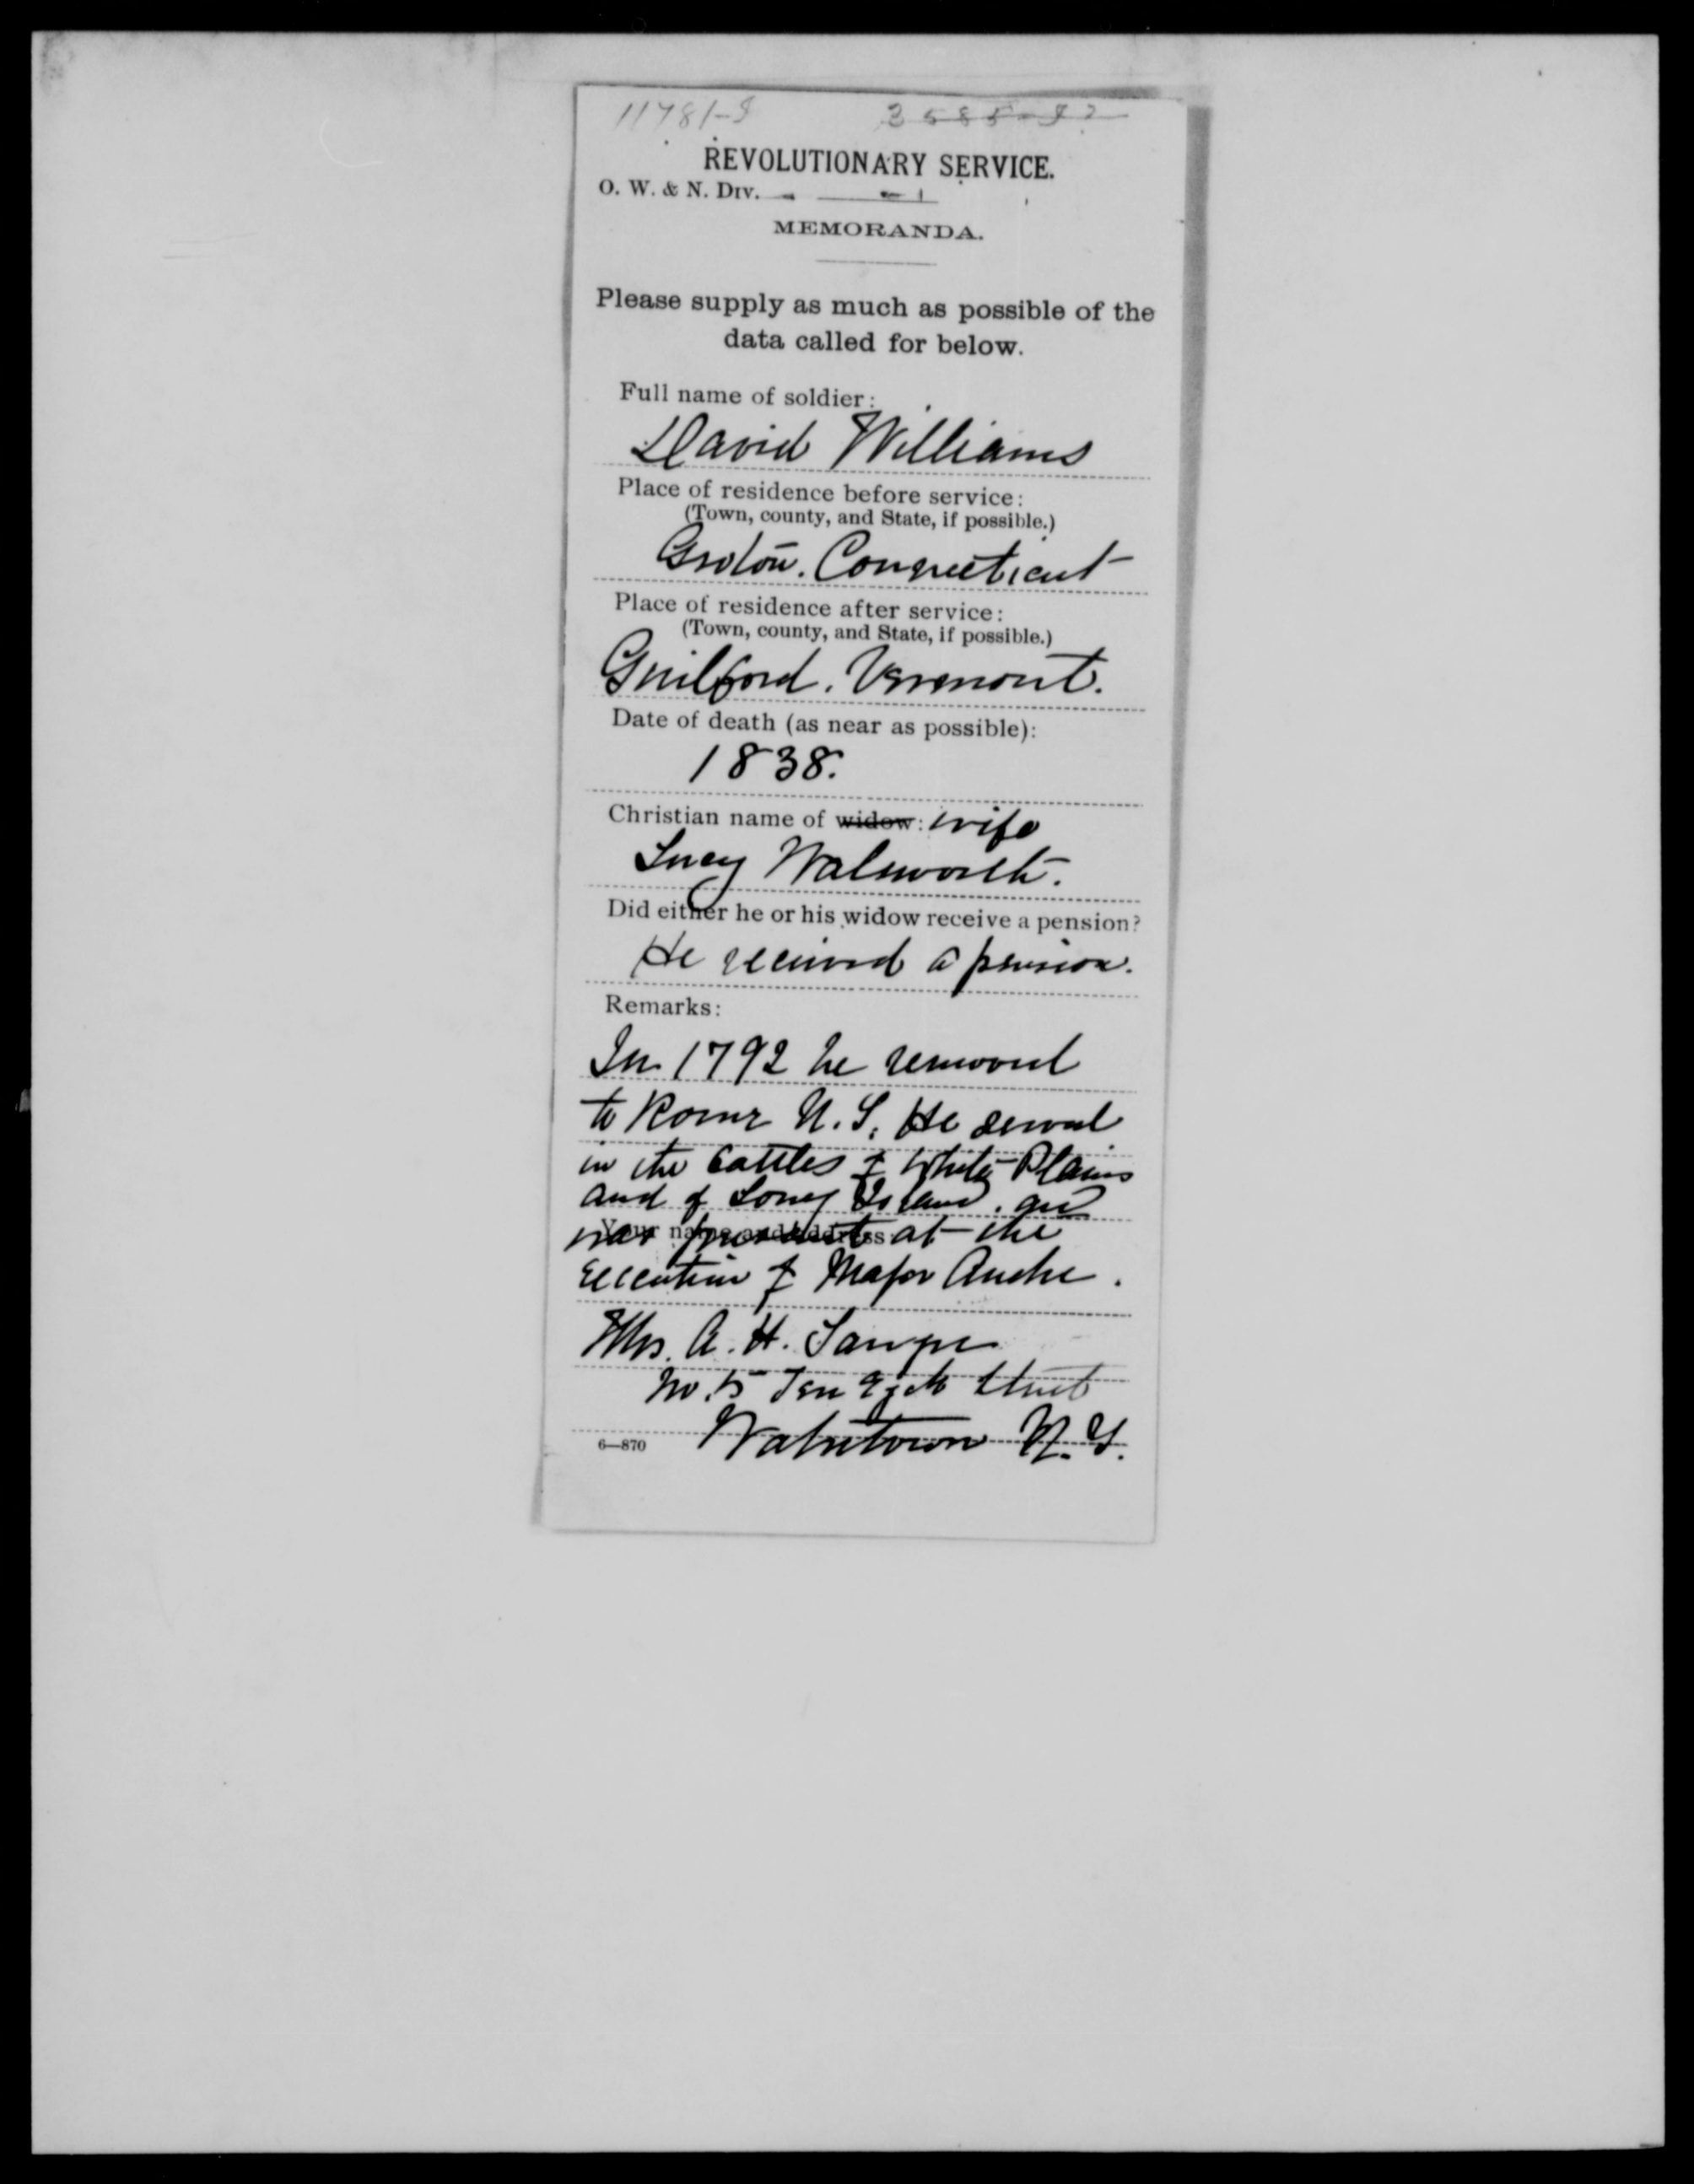11781-I
REVOLUTIONARY SERVICE.
O. W. & N. Div.
MEMORANDA.
Please supply as much as possible of the data called for below.

Full name of soldier:
David Williams
Place of residence before service: (Town, county, and State if possible.)
Groton Connecticut
Place of residence after service: (Town, county, and State, if possible.)
Guilford, Vermont
Date of death (as near as possible):
1838
Christian name of wife
Lucy Walworth
Did either he or his widow receive a pension?
He received a pension
Remarks:
In 1792 he removed to Rome N. Y. He served in the battles of White Plains and of Long Island and was present at the Execution of Major Ausche
Mrs. A. H. Sawyer
No 5 Ten Eyck Street
Watertown, N. Y.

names: Auche, A H Sawyer, David Williams, Lucy Walsworth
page: 48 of 63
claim: widow's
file: W. 22,632, David Williams, Conn. Continental Privateer